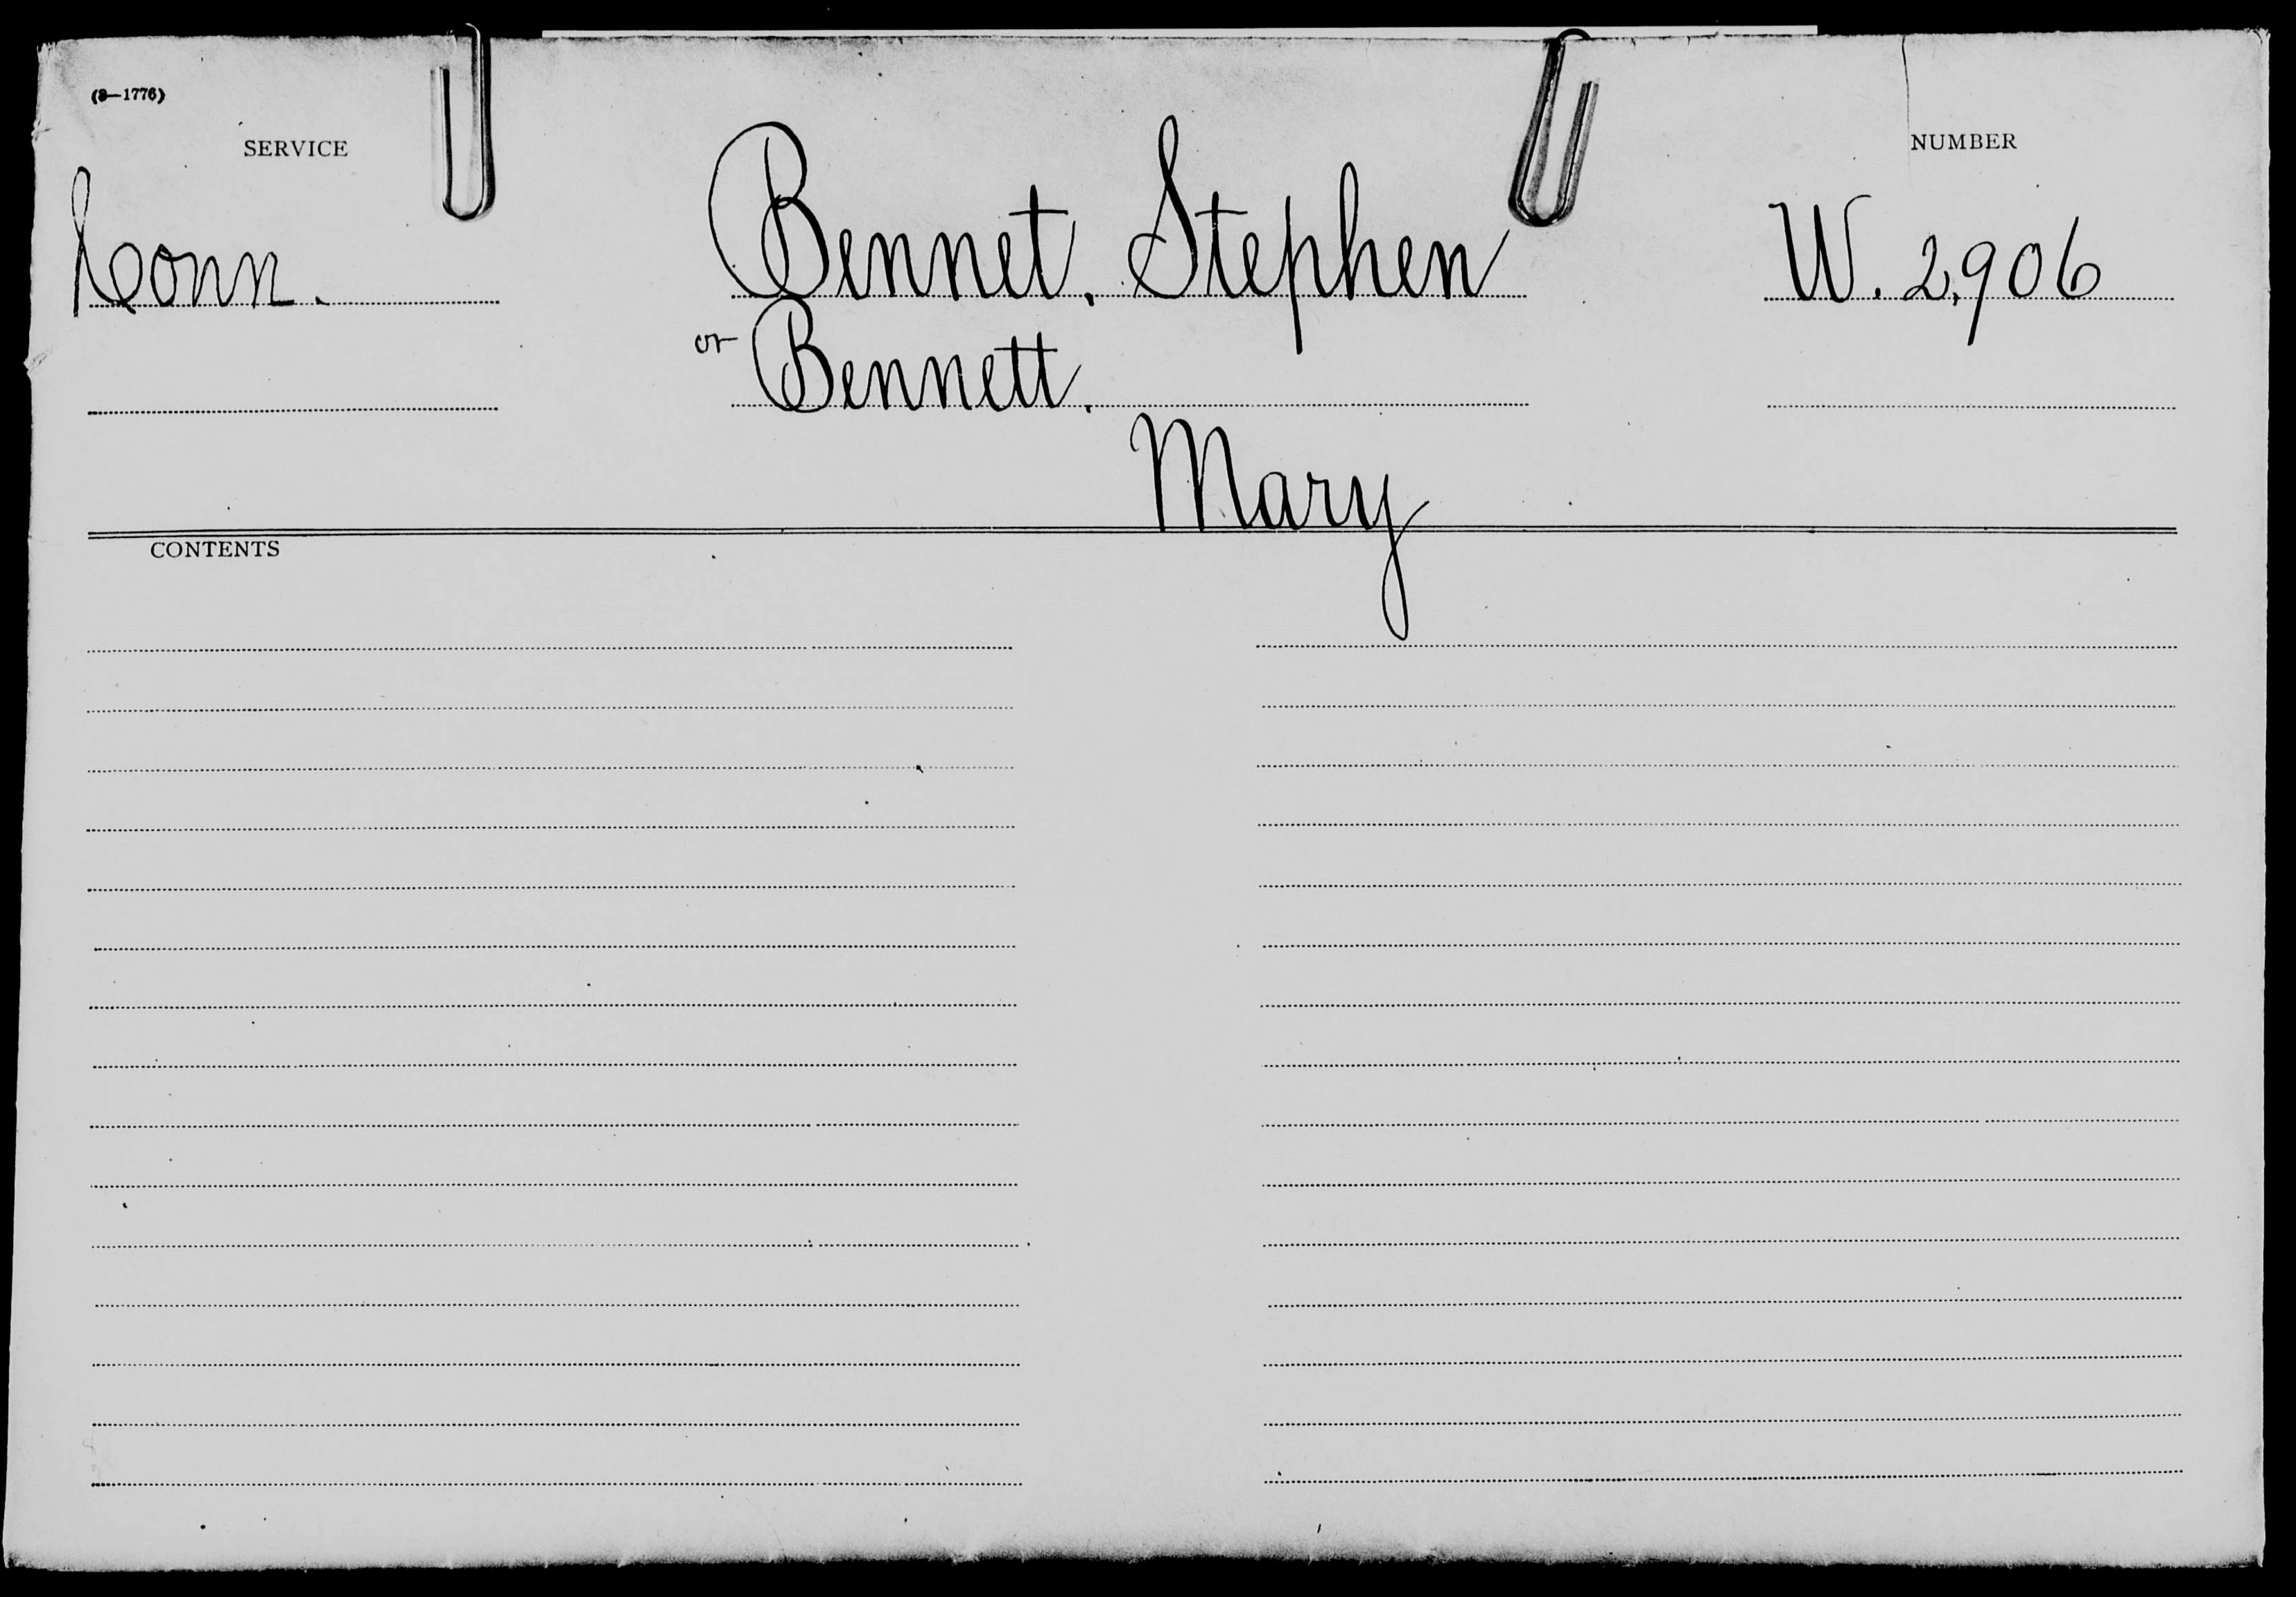service
Conn.
Bennet, Stephen or Bennett, Mary 
number W.2.906
contents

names: Stephen Bennett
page: 1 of 79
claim: widow's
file: W. 2,906, Stephen Bennet, Conn.